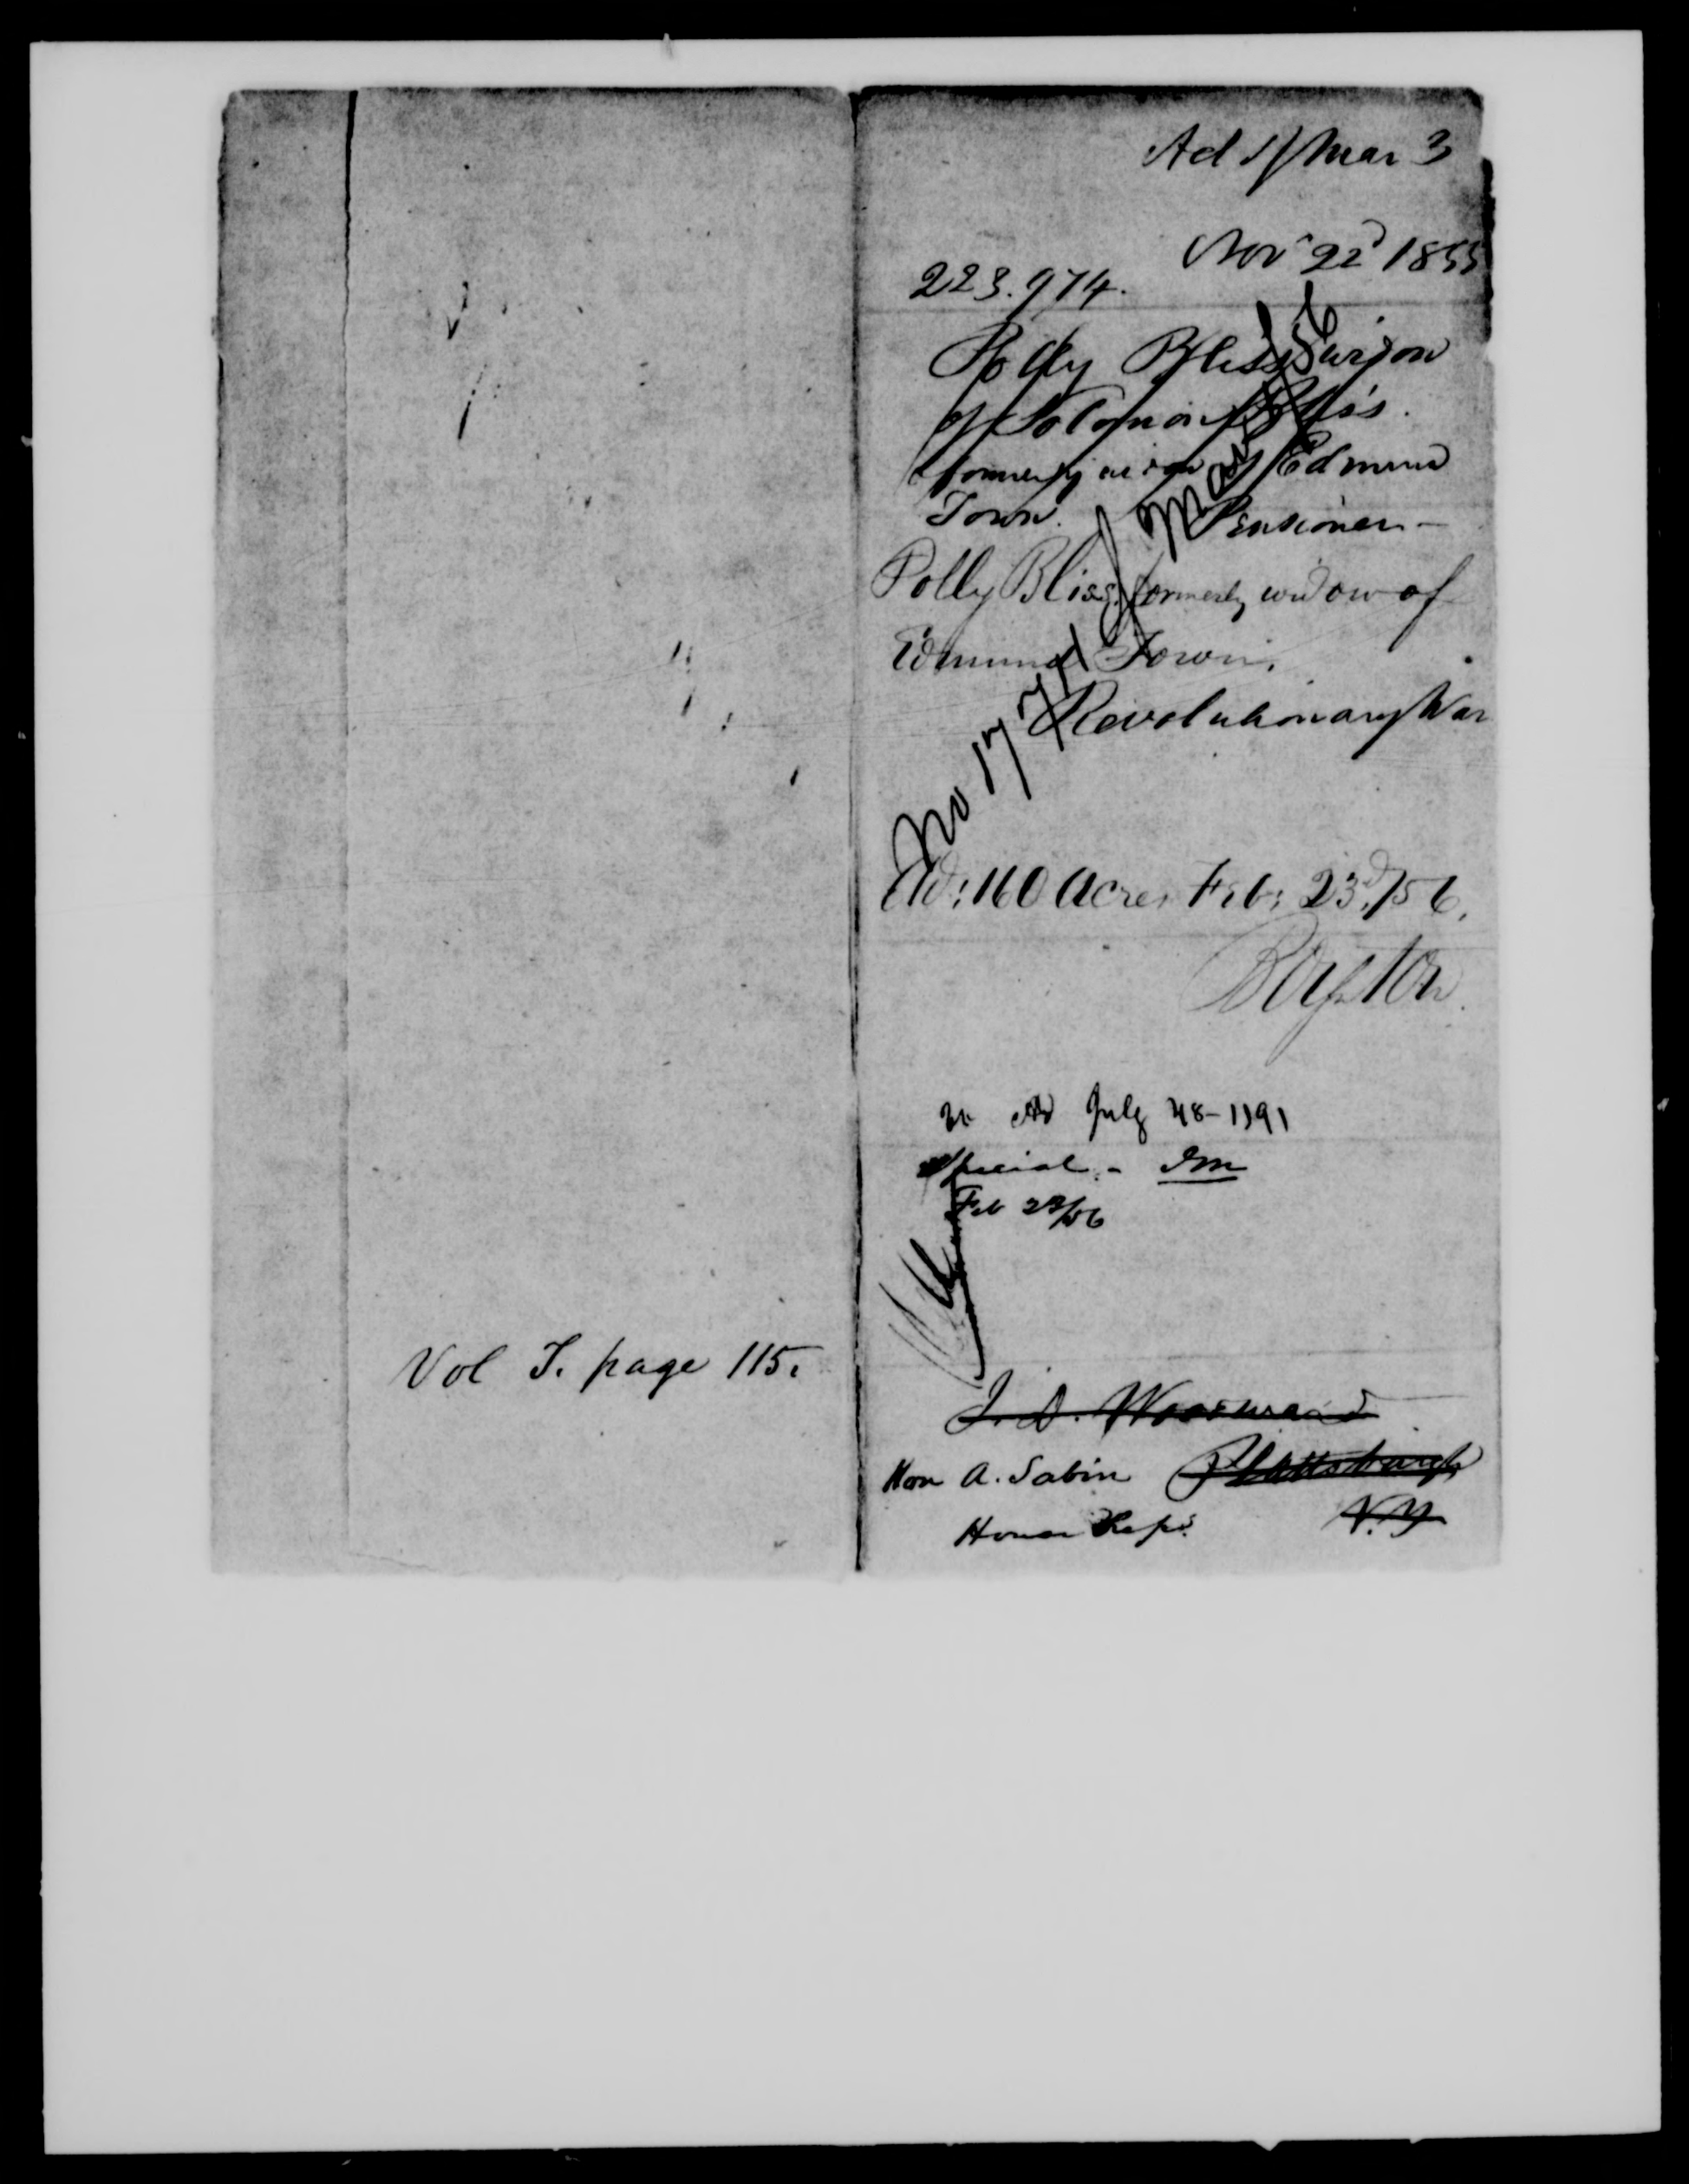Act of Mar 3
223.974 Nov. 22d 1855
Polly Bliss widow of Solomon bliss formerly widow of Edmund Town Pensioner
Polly Bliss formerly widow of Edmund Town 
Revolutionary War

No. 17711 Mar ?/56 (written through above)

Ad: 160 acres Feby. 23,/56
Boynton

(illegible) Feb 22/56

Hon. A Sabin House of Reps.
(J. D. Woodward, Plattsburgh NY--crossed out)

Vol T. page 115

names: J D Woodward, Edmund Town, Boynton, Polly Bliss, A Sabin, Edmund Town, T Page, Polly Bliss, Solomon Bliss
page: 3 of 64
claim: widow's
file: W. 5831, Edmund Town, Mass.